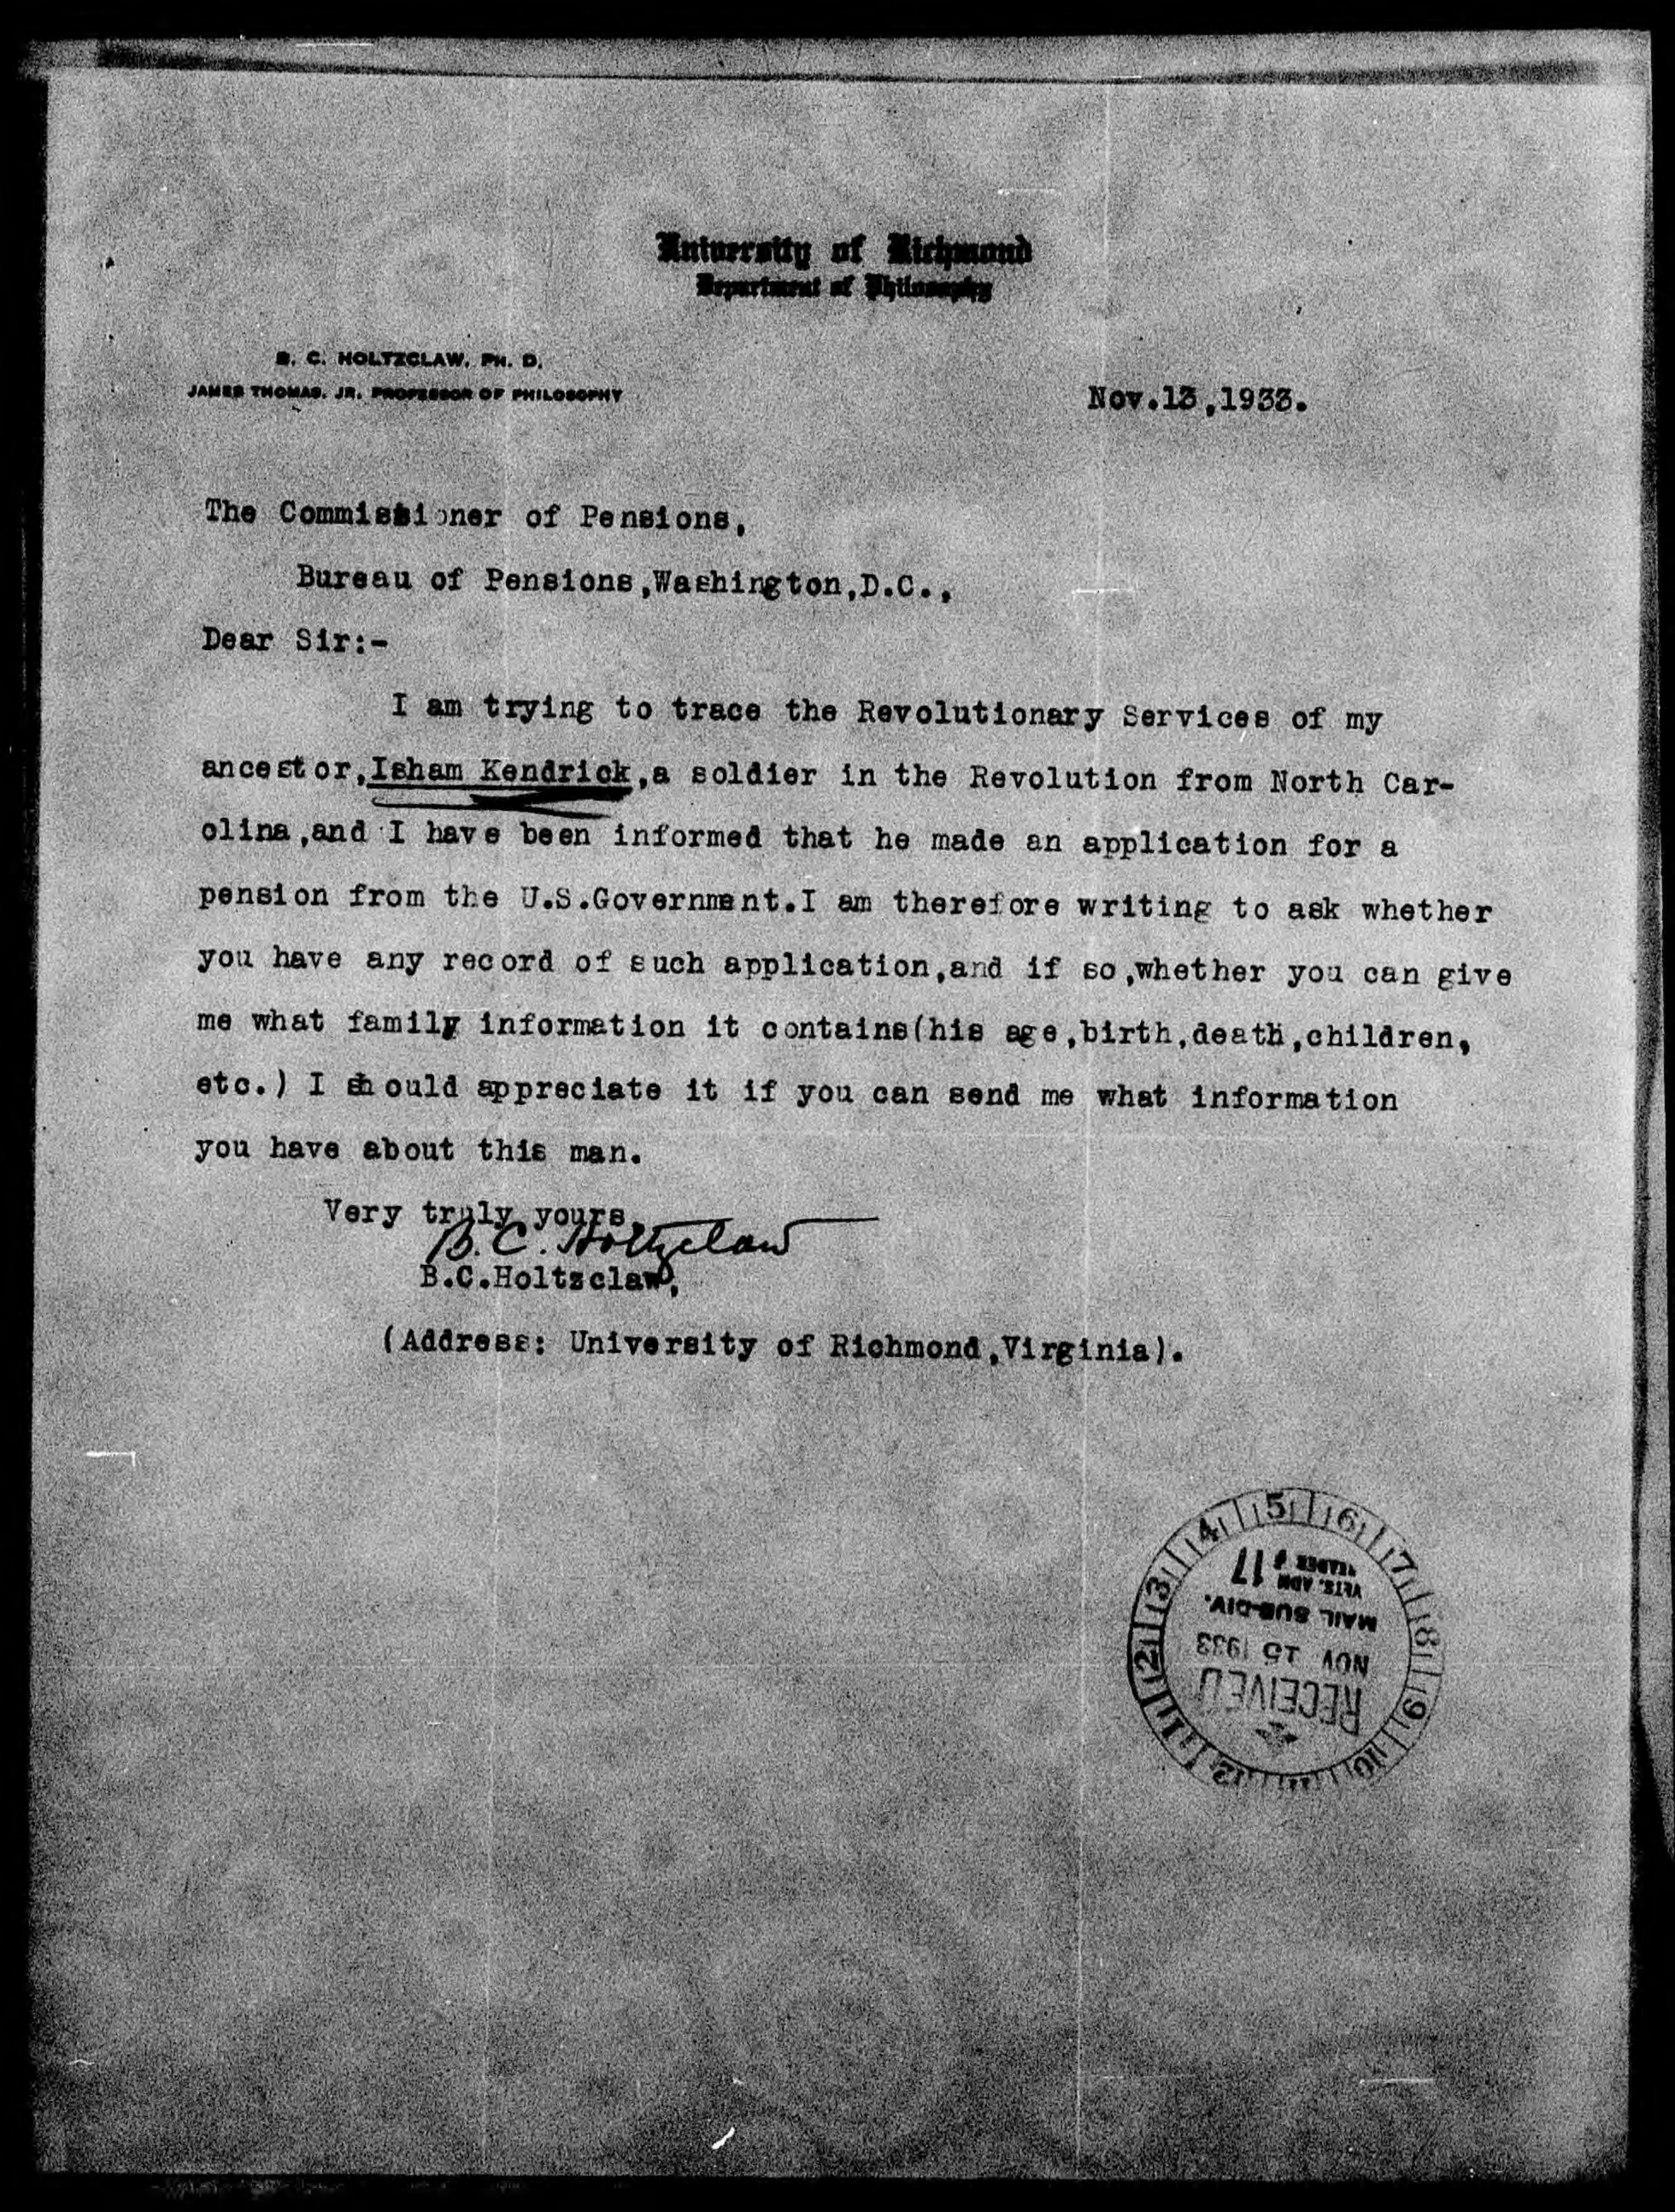University of Richmond
Department of Philosophy

B. C. HOLTZCLAW, Ph. D.
JAMES THOMAS, JR. PROFESSOR OF PHILOSOPHY

Nov. 13, 1933.

The Commissioner of Pensions,
Bureau of Pensions, Washington, D.C.,

Dear Sir: - 

I am trying to trace the Revolutionary Services of my
ancestor, Isham Kendrick, a soldier in the Revolution from North
Carolina, and I have been informed that he made an application for a 
pension from the U. S. Government.  I am therefore writing to ask whether
you have any record of such application, and if so, whether you can give
me what family information it contains (his age, birth, death, children,
etc.)  I should appreciate it if you can send me what information
you have about this man.

Very truly yours
B. C. Holtzclaw,

(Address:  University of Richmond, Virginia).

[date stamp]
RECEIVED
NOV 15 1933
MAIL SUB-DIV.
VETS. ADM
READER #17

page: 24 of 29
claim: rejected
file: R. 5862, for Isham Kendrick, North Carolina